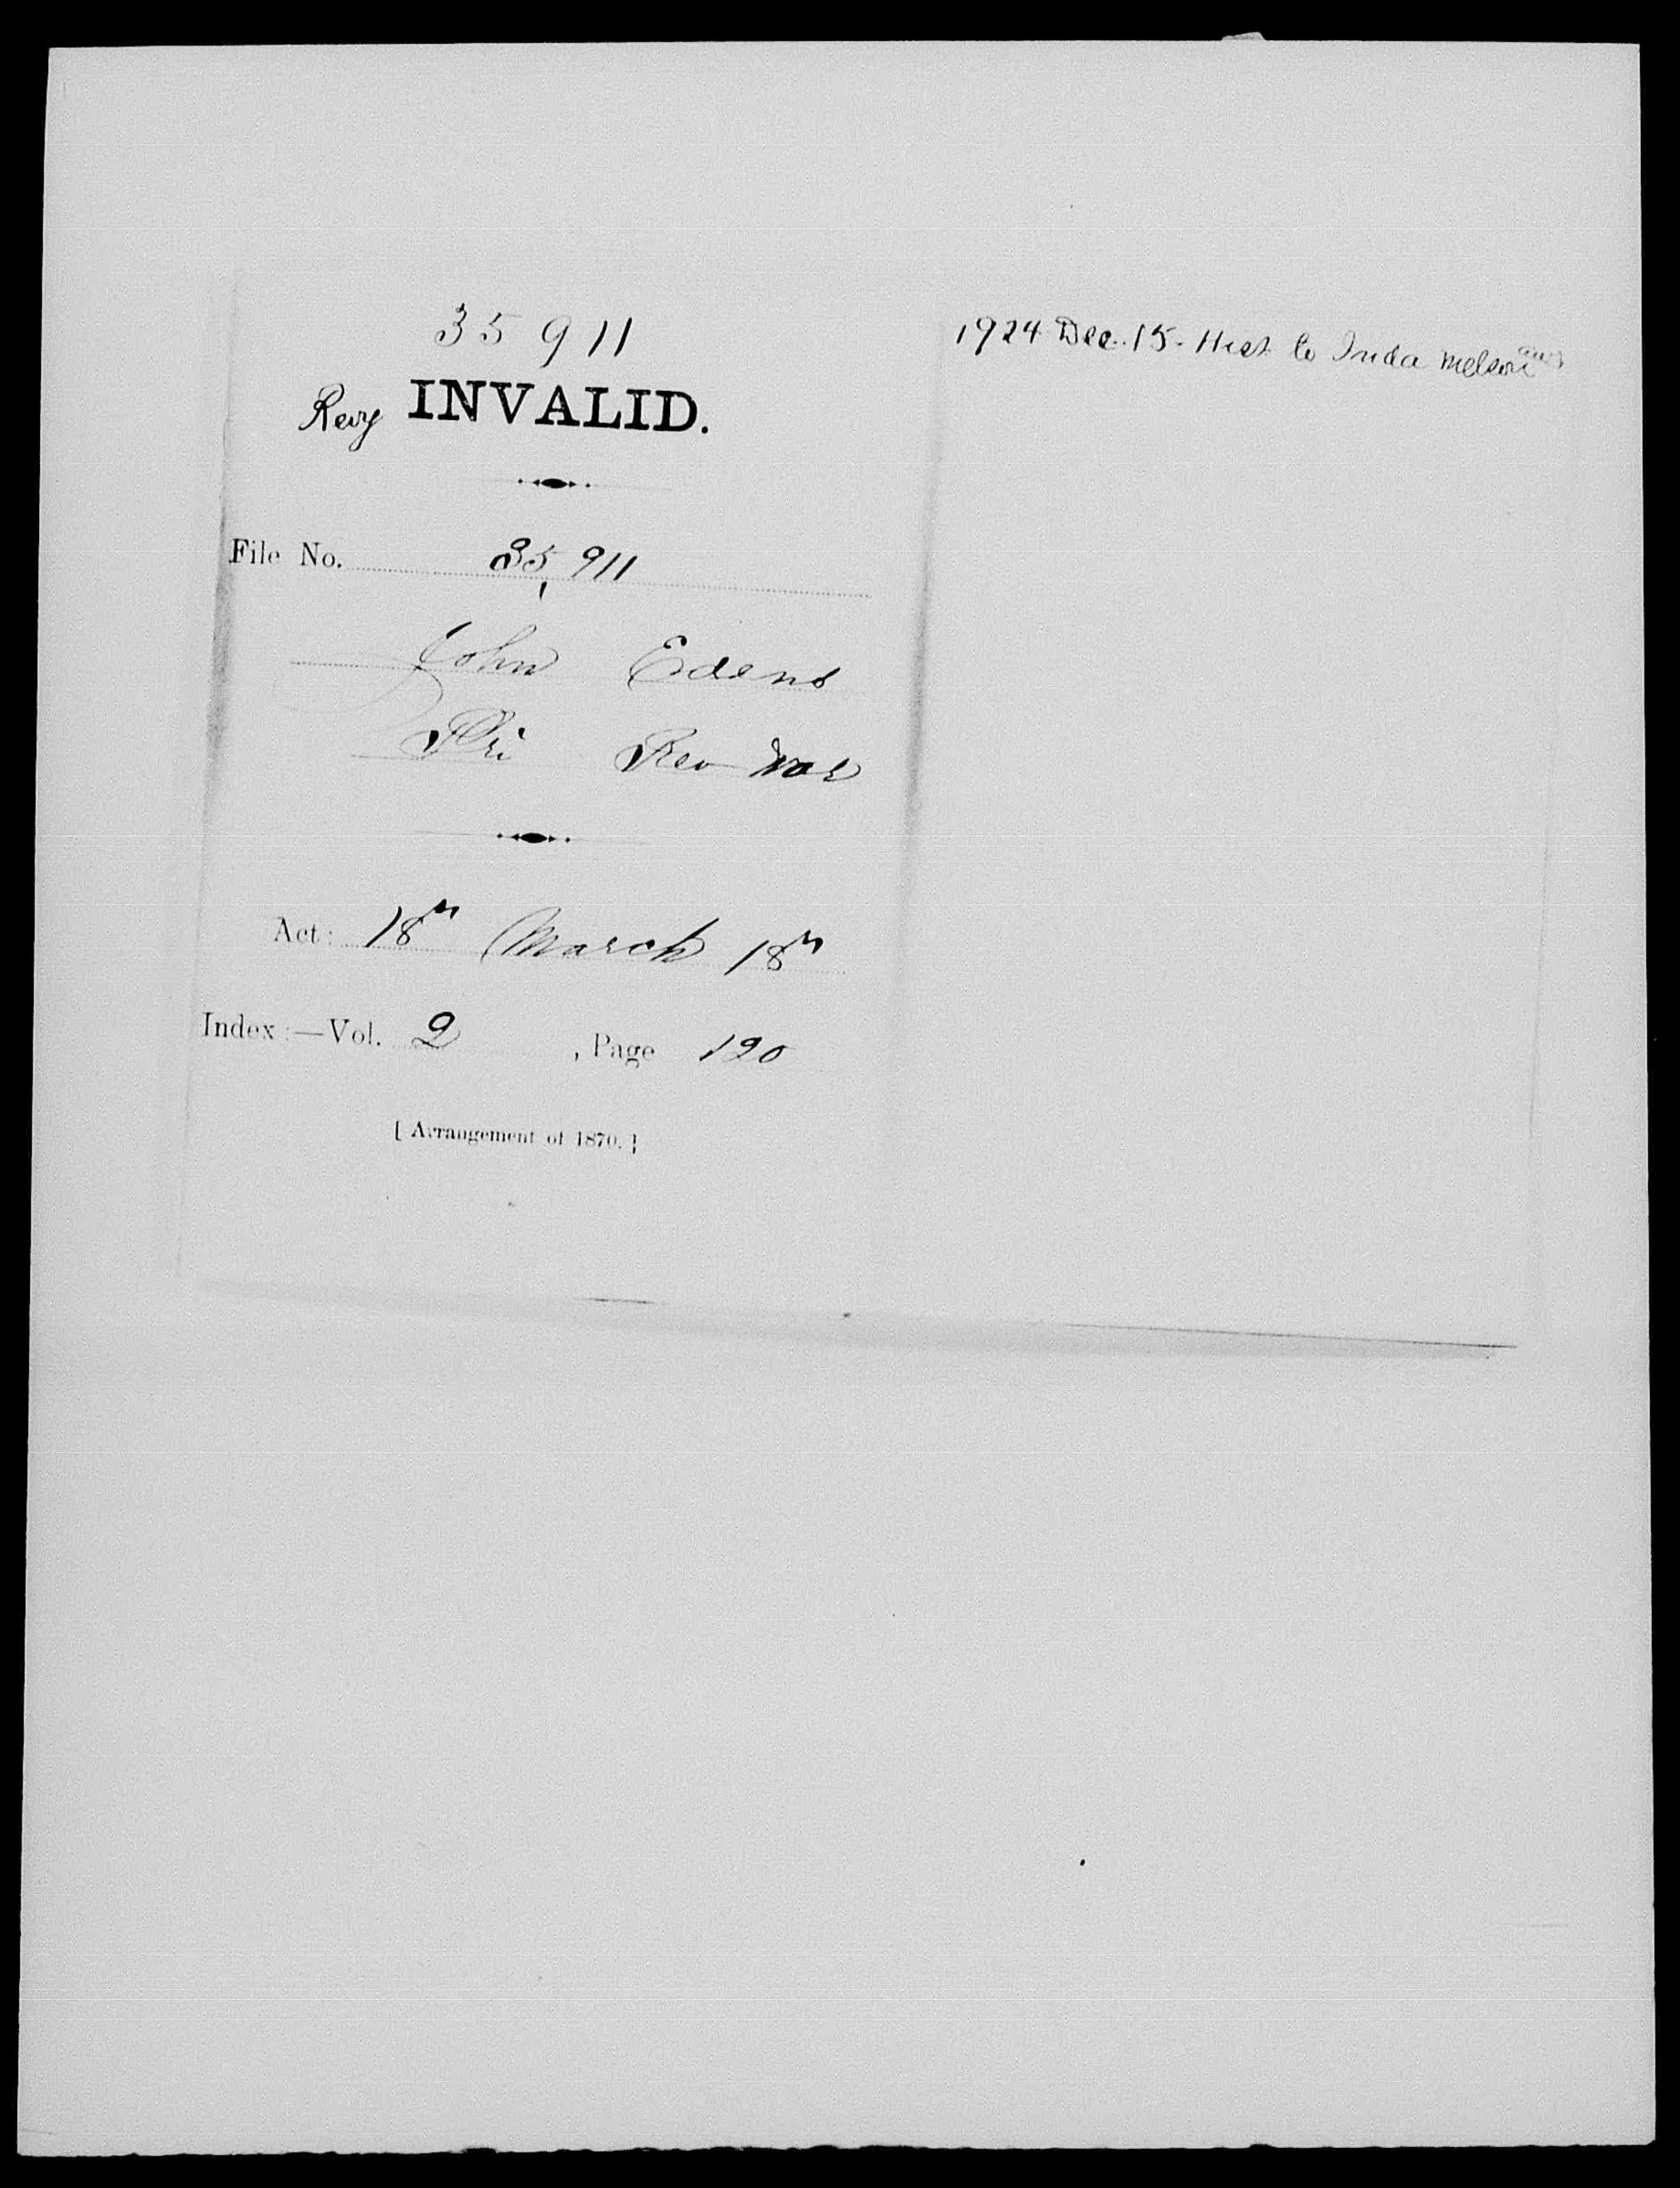35911
Revy INVALID
File No. 35911
John Edens
Pri Rev War

Act: 18 March 18
Index: -- Vol. 2 Page 120
{Arrangement of 1870.]

[right side]
1924 Dec. 15. Hist to Inda Nelson AWB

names: John Edens, Inda Melson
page: 14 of 14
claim: survivor's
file: S 35911, John Edens, S.C.